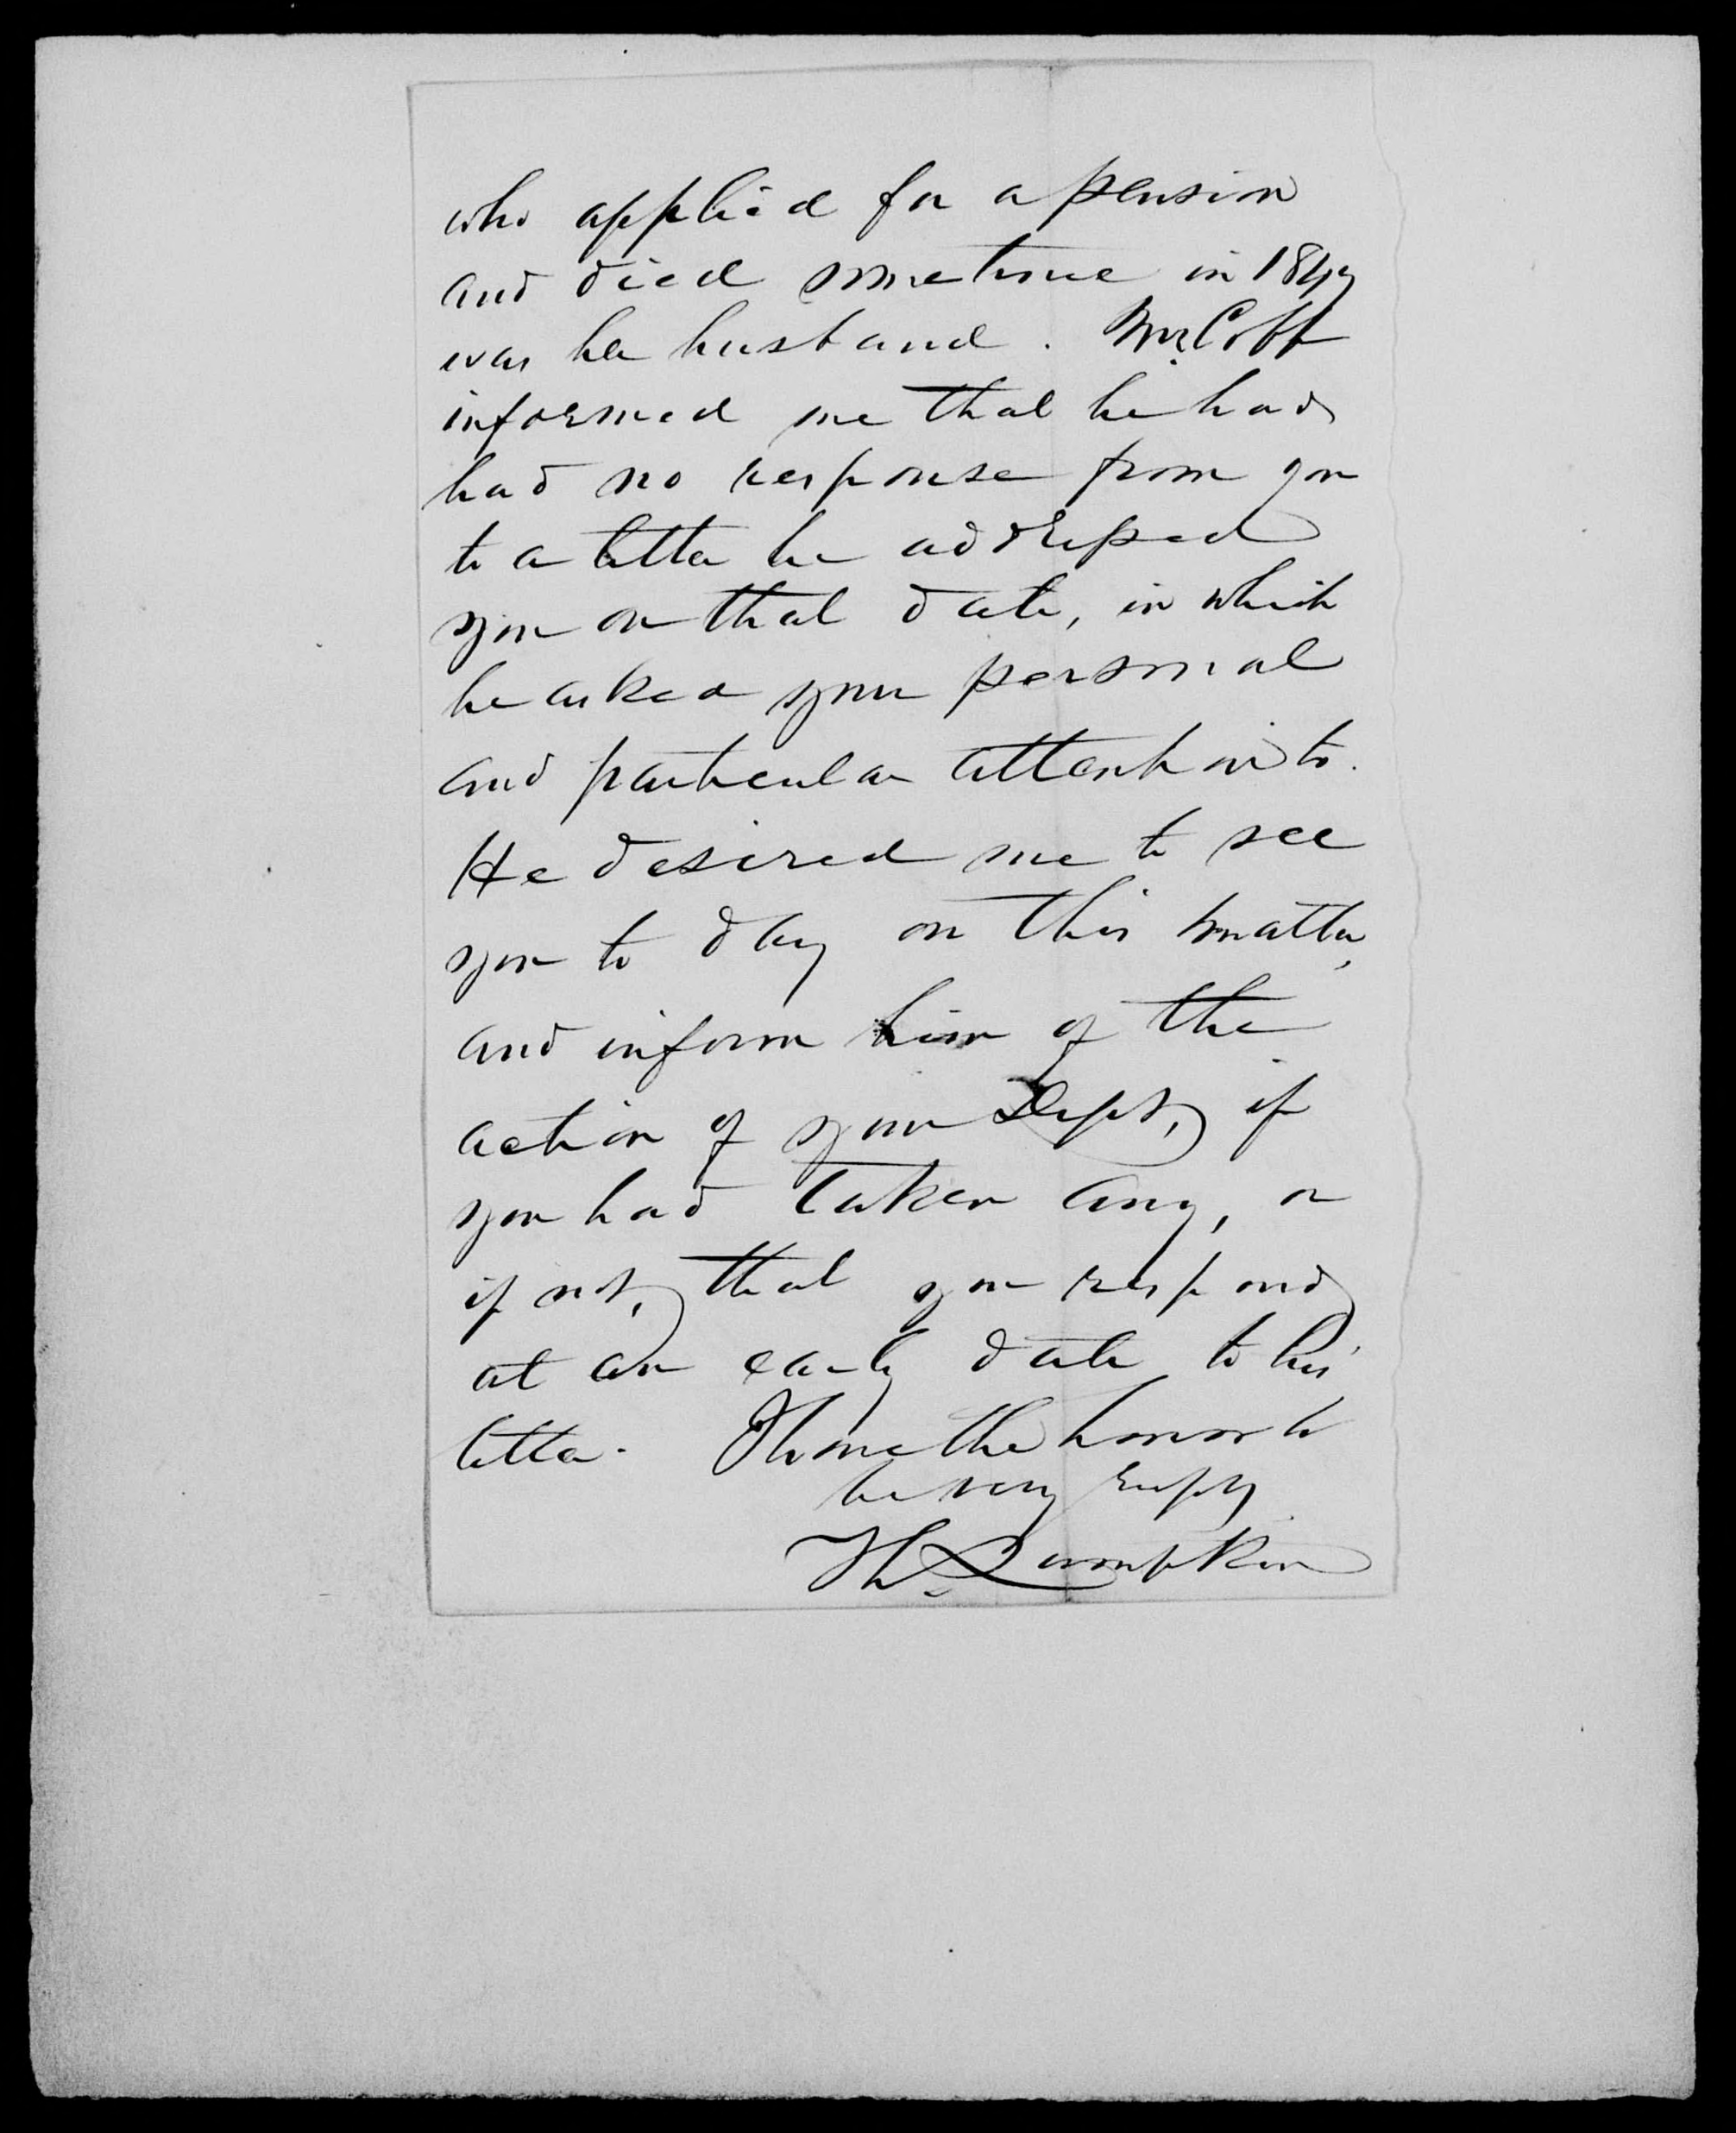Who applied for a pension and died overtime in 1847 was her husband. Mr. Cobb informed me that he had had no response from you to a letter he (not legible word)on that date, in which he asked your personal and particular attention to.
He desired me to see you today on this matter and inform him of the action of your dept, if you had taken any, or if not, that you respond at an early date to his letter.  (the last sentence is terribly scribbled and not legible)I believe it says: I have the ——copy
T H Lumpkin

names: Th Lumpkin, Cobb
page: 21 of 108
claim: rejected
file: R. 7,515, John Hudgins, N.C.